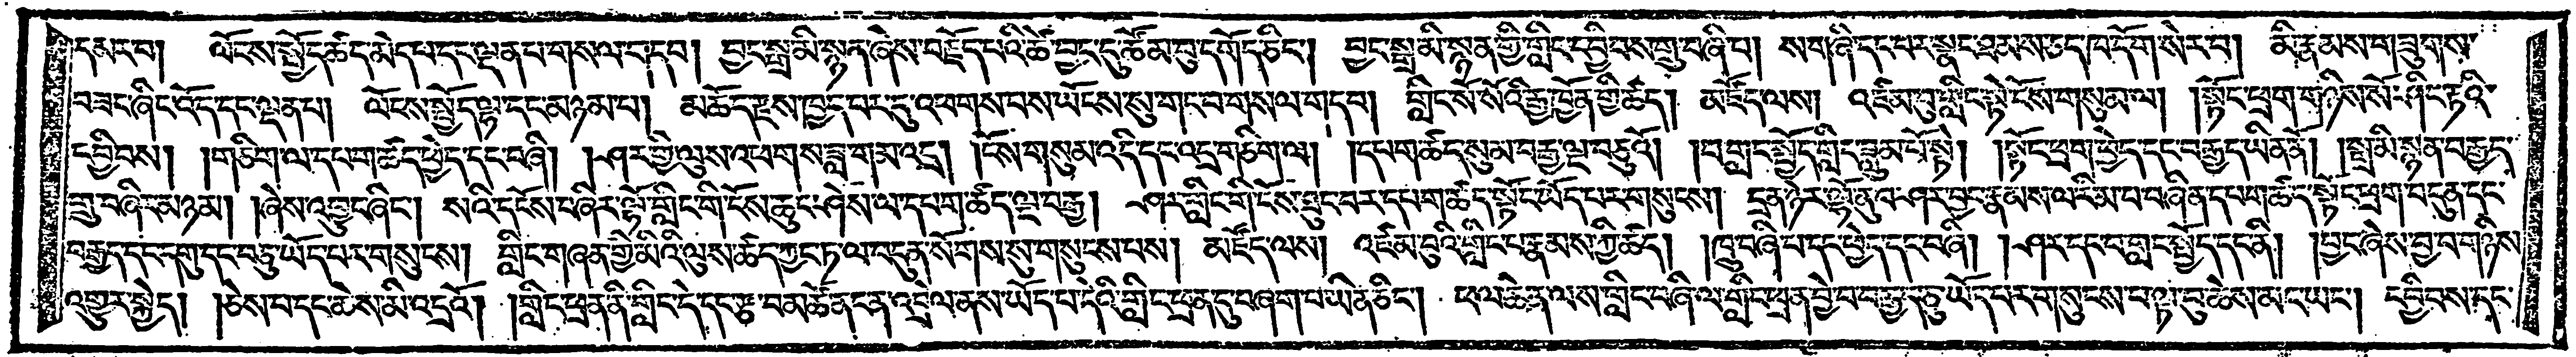དམར་བ། ལོངས་སྤྱོད་ཚད་མེད་པ་དང་ལྡན་པ་གསལ་གདབ། བྱང་སྒྲ་མི་སྙན་ཞེས་བརྗོད་པའི་ཚེ་བྱང་དུ་ཚོམ་བུ་དགོད་ཅིང་། བྱང་སྒྲ་མི་སྙན་གྱི་གླིང་དབྱིབས་གྲུ་བཞི་བ། ས་གཞི་དང་བར་སྣང་ཐམས་ཅད་ཁ་དོག་སེར་བ། མི་རྣམས་གཟུགས་
བཟང་ཞིང་འོད་དང་ལྡན་པ། ལོངས་སྤྱོད་ལྷ་དང་མཉམ་པ། མཆོད་རྫས་ཁྱད་པར་དུ་འཕགས་པས་ཡོངས་སུ་གང་པ་གསལ་གདབ། གླིང་སོ་སོའི་རྒྱ་ཁྱོན་གྱི་ཚད། མཛོད་ལས། འཛམ་བུ་གླིང་སྟེ་ངོས་གསུམ་ལ། །སྟོང་ཕྲག་གཉིས་སོ་ཤིང་རྟའི་
དབྱིབས། །གཅིག་ལ་དཔག་ཚད་ཕྱེད་དང་བཞི། །ཤར་གྱི་ལུས་འཕགས་ཟླ་མད་འདྲ། །ངོས་གསུམ་འདི་དང་འདྲ་གཅིག་ལ། །དཔག་ཚད་སུམ་བརྒྱ་ལྔ་བཅུའོ། །བ་གླང་སྤྱོད་གླིང་ཟླུམ་བོ་སྟེ། །སྟོང་ཕྲག་ཕྱེད་དང་བརྒྱད་ཡིན་ནོ། །སྒྲ་མི་སྙན་བརྒྱད་
གྲུ་བཞིར་མཉམ། །ཞེས་འབྱུང་ཞིང་། སའི་དངོས་བཞིར་ལྷོ་གླིང་གི་ངོས་ཆུང་ཤོས་ལ་དཔག་ཚད་ལྔ་བརྒྱ། ཤར་གླིང་གི་ངོས་ཐུང་བར་དཔག་ཚད་སྟོང་ཡོད་པར་གསུངས། དྲན་ཉེར་ལྷོ་ནུབ་ཤར་བྱང་རྣམས་ལ་རིམ་བ་བཞིན་དཔག་ཚད་སྟོང་ཕྲག་བདུན་དང་
བརྒྱད་དང་དགུ་དང་བཅུ་ཡོད་པར་གསུངས། གླིང་གཞན་གྱི་མིའི་ལུས་ཚད་ཀྱང་ཏ་ལ་བདུན་སོགས་སུ་གསུངས་པས། མཛོད་ལས། འཛམ་བུའི་གླིང་པ་རྣམས་ཀྱི་ཚད། །ཁྲུ་བཞི་པ་དང་ཕྱེད་དང་བཞི། །ཤར་དང་བ་གླང་སྤྱོད་དང་ནི། །བྱང་ཞེས་བྱ་བ་གཉིས་
འགྱུར་སྐྱེད། །ཅེས་པ་དང་ཆེས་མི་འདྲའོ། །གླིང་ཕྲན་ནི་གླིང་དེ་དང་རྩ་བ་མཚོན་ངན་འབྲེལ་ནས་ཡོད་པ་དེའི་གླིང་ཕྲན་དུ་བཞག་པ་ཡིན་ཅིང་། ཕལ་ཆེན་ལས་གླིང་བཞི་ལ་གླིང་ཕྲན་བྱེ་བ་བརྒྱད་ཅུ་ཡོད་པར་གསུངས་པ་ལྟ་བུ་ཆེས་མང་ཡང་། དབྱིབས་དང་